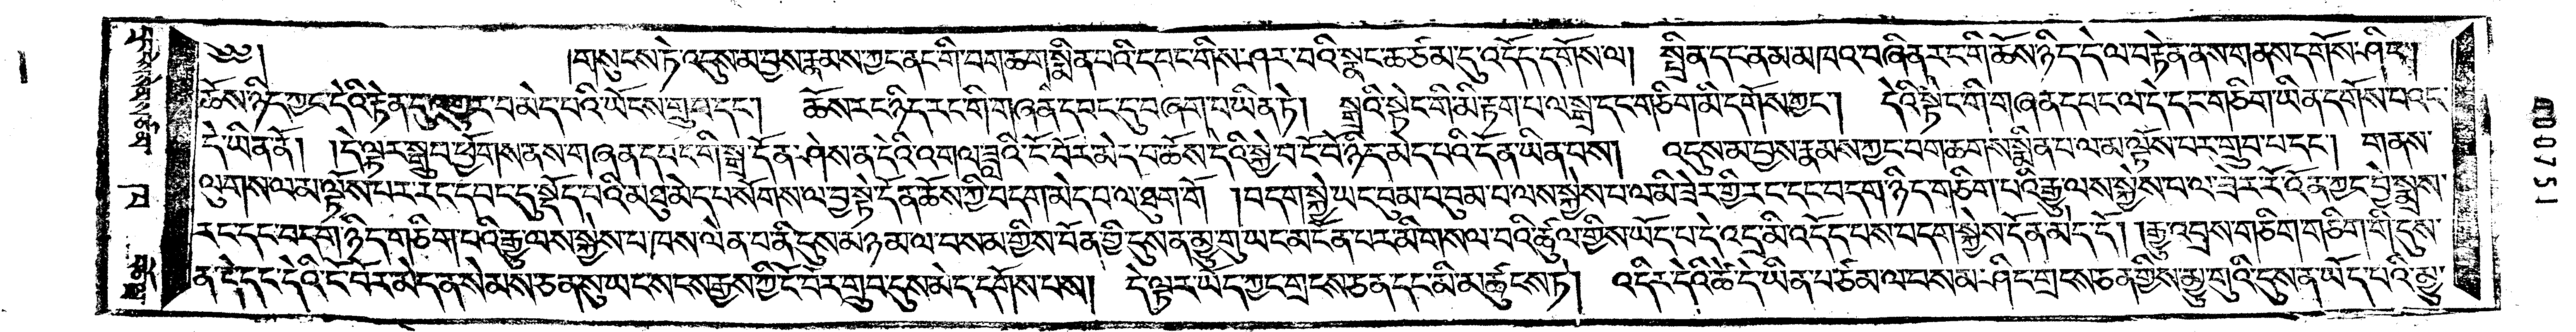༄༅། །གསུངས་ཏེ་འདུས་མ་བྱས་རྣམས་ཀྱང་ནང་གི་བག་ཆགས་སྨིན་པའི་དབང་གིས་ཤར་བའི་སྣང་ཆ་ཙམ་དུ་འདོད་དགོས་ལ། སྤྲིན་དང་ནམ་མཁའ་བཞིན་རང་གི་ཆོས་ཉིད་དེ་ལ་བརྟེན་ནས་གནས་དགོས་ཤིང་། །
ཆོས་ཉིད་ཀྱང་དེའི་རྟེན་དུ་འགྱུར་བ་མེད་པའི་ཡོངས་གྲུབ་དང་། ཆོས་རང་ཉིད་རང་གི་གཞན་དབང་དུ་བཞག་པ་ཡིན་ཏེ། སྒྲའི་སྟེང་གི་མི་རྟག་པ་ལ་སྒྲ་དང་གཅིག་མི་དགོས་ཀྱང་། དེའི་སྟེང་གི་གཞན་དབང་ལ་དེ་དང་གཅིག་ཡིན་དགོས་པའང་
དེ་ཡིན་ནོ། །དེ་ལྟར་སྒྲུབ་ཕྱོགས་ནས་གཞན་དབང་གི་སྒྲ་དོན་ཤེས་ན་དེའི་འགལ་ཟླའི་ངོ་བོར་མེད་པ་ཆོས་དེའི་སྐྱེ་བ་ངོ་བོ་ཉིད་མེད་པའི་དོན་ཡིན་པས། འདུས་མ་བྱས་རྣམས་ཀྱང་བག་ཆགས་སྨིན་པ་ལ་མ་ལྟོས་པར་གྲུབ་པ་དང་། གནས་
ལུགས་ལ་མ་ལྟོས་པར་རང་དབང་དུ་སྡོད་པའི་མཐུ་མེད་པ་སོགས་ལ་བྱ་སྟེ་དོན་ཆོས་ཀྱི་བདག་མེད་པ་ལ་ཐུག་གོ །བདག་སྐྱེ་ཡང་བུམ་པ་བུམ་པ་ལས་སྐྱེས་པ་ལ་མི་ཟེར་གྱི་རང་དང་བདག་ཉིད་གཅིག་པའི་རྒྱུ་ལས་སྐྱེས་པ་ལ་ཟེར་རོ་འོན་ཀྱང་བྱེ་སྨྲས་
རང་དང་བདག་ཉིད་གཅིག་པའི་རྒྱུ་ལས་སྐྱེས་པ་ཁས་ལེན་པ་ནི་དུས་མཉམ་ལ་བསམ་གྱི་ས་བོན་གྱི་དུས་ན་མྱུ་གུ་ཡང་མངོན་པར་མི་གསལ་བའི་ཚུལ་གྱིས་ཡོད་པ་དེ་འདྲ་མི་འདོད་པས་བདག་སྐྱེས་དོན་མེད་དོ། །རྒྱུ་འབྲས་གཅིག་གཅིག་གི་དུས་
ན་དེ་དང་དེའི་ངོ་བོར་མེད་ན་སེམས་ཅན་སུ་ཡང་སངས་རྒྱས་ཀྱི་ངོ་བོར་གྲུབ་དུས་མེད་དགོས་པས། དེ་ལྟར་ཡོད་ཀྱང་གྲངས་ཅན་དང་མི་མཚུངས་ཏེ། འདིར་དེའི་ཚེ་དེ་ཡིན་པ་ཙམ་ལ་བསམ་ཤིང་གྲངས་ཅན་གྱིས་མྱུ་གུའི་དུས་ན་ཡོད་པའི་མྱུ་